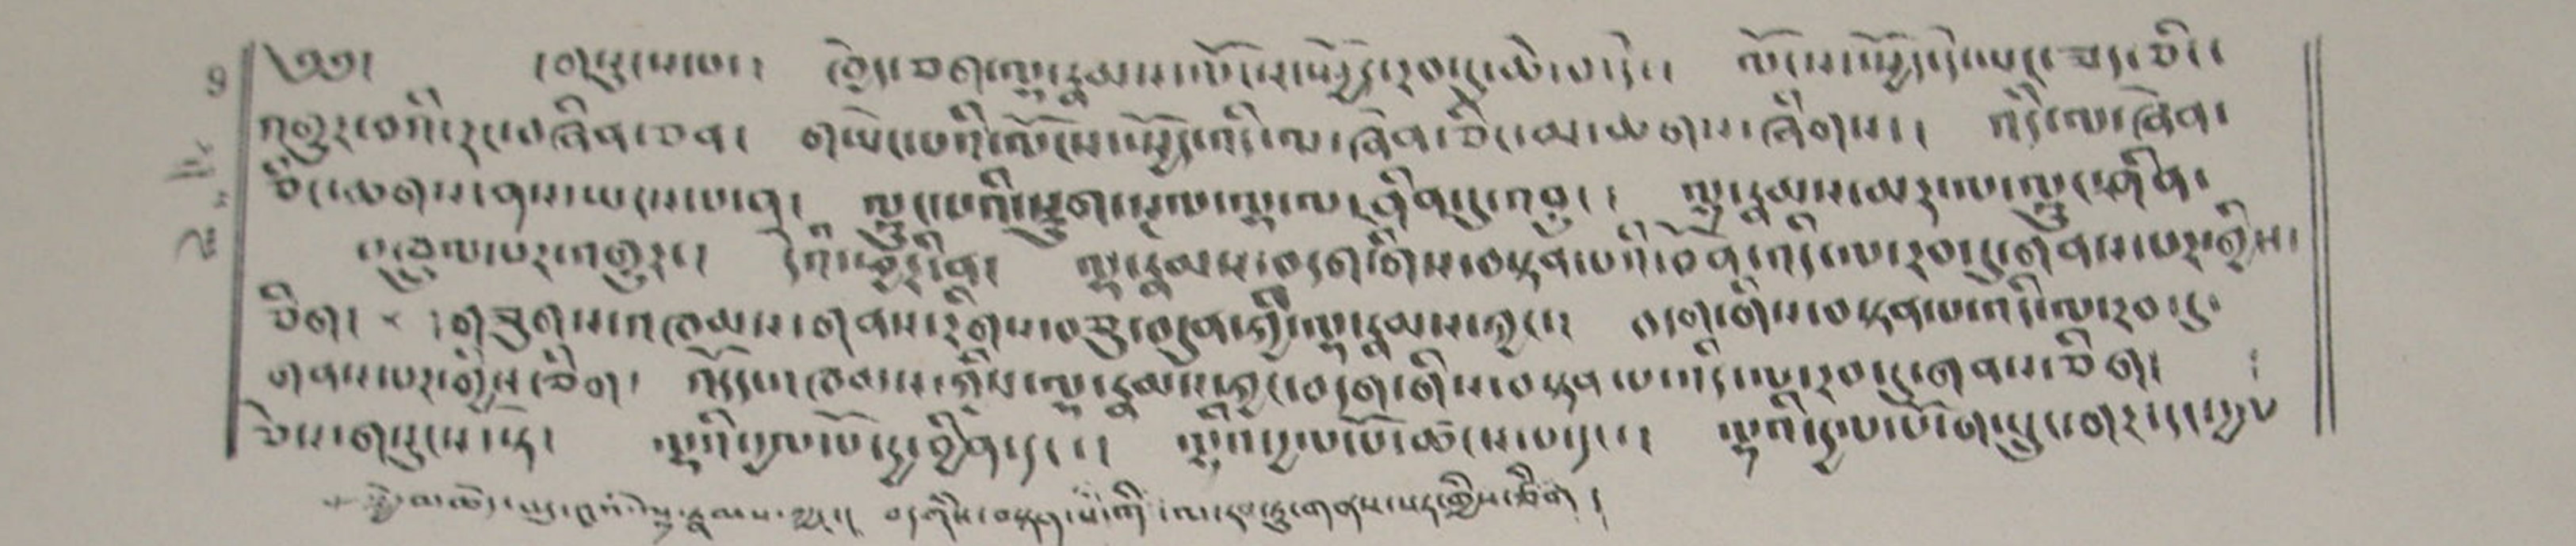༄༅། །གསུངས་པ། ཁྱེད་ཅག་ལྷ་རྣམས་ལོངས་སྤྱོད་རབ་ཏུ་ཆེ་བ་སྟེ། ལོངས་སྤྱོད་དེ་ཡང་ཟད་ཅིང་
འགྱུར་བའི་རང་བཞིན་ཅན། གཡེང་བའི་ལོངས་སྤྱོད་འདི་ལ་ཞེན་ཅིང་མ་ཆགས་ཤིག འདི་ལ་ཞེན་
ཅིང་ཆགས་ནས་ཡངས་པ་ན། ལྟུང་བའི་སྡུག་བསྔལ་ལྷ་ལ་ཤིན་ཏུ་འབྱུང་། ལྷ་རྣམས་མར་ལ་ལྷུང་ཞིང་
འཁྲུལ་བར་འགྱུར། དེའི་ཕྱིར་ན་ལྷ་རྣམས་བདག་གིས་བསྟན་པའི་བོན་འདི་ལ་རབ་ཏུ་གནས་པར་གྱིས་
ཤིག སྐྱེ་མཆེད་མུ་བཞིའི་ལྷ་རྣམས་ཀྱང་བདག་གི་བསྟན་པ་འདི་ལ་རབ་ཏུ་གནས་པར་གྱིས་ཤིག གཟུགས་ཁམས་གནས་རིགས་བཅུ་བདུན་གྱི་ལྷ་རྣམས་ཀྱང་། བདག་གི་བསྟན་པ་འདི་ལ་རབ་ཏུ་
གནས་པར་གྱིས་ཤིག འདོད་ཁམས་ཀྱི་ལྷ་རྣམས་ཀྱང་བདག་གི་བསྟན་པ་འདི་ལ་རབ་ཏུ་གནས་ཅིག 
ཅེས་གསུངས་ཏེ། ལྷའི་རྒྱལ་པོ་བརྒྱ་བྱིན་དང་། ལྷའི་རྒྱལ་པོ་ཚངས་པ་དང་། ལྷའི་རྒྱལ་པོ་གཡུང་དྲུང་གར་དང་རྒྱལ་